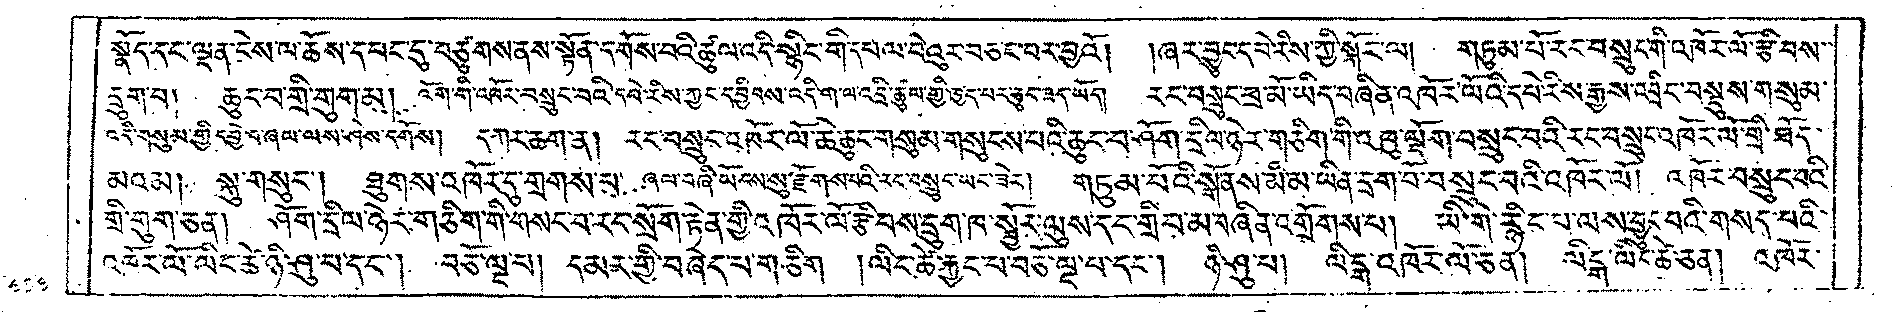སྣོད་དང་ལྡན་ངེས་ལ་ཆོས་དཔང་དུ་བཙུགས་ནས་སྟོན་དགོས་པའི་ཚུལ་འདི་སྙིང་གི་དཔལ་བེའུར་བཅང་བར་བྱའོ། །ཞར་བྱུང་དཔེ་རིས་ཀྱི་སྐོར་ལ། གཏུམ་པོ་རང་བསྲུང་གི་འཁོར་ལོ་རྩིབས་
དྲུག་པ། ཆུང་བ་གྲི་གུག་མ། འོག་གི་འཁོར་བསྲུང་བའི་དཔེ་རིས་ཀྱང་དབྱིབས་འདི་ག་ལ་འདྲི་ཚུལ་གྱི་ཁྱད་པར་ཅུང་ཟད་ཡོད།  རང་བསྲུང་ཕྲ་མོ་ཡིད་བཞིན་འཁོར་ལོའི་དཔེ་རིས་རྒྱས་འབྲིང་བསྡུས་གསུམ་
འདི་གསུམ་གྱི་དབྱེ་བ་ཞལ་ལས་ཤེས་དགོས།  དཀར་ཆག་ན། རང་བསྲུང་འཁོར་ལོ་ཆེ་ཆུང་གསུམ་གསུངས་པའི་ཆུང་བ་ཤོག་དྲིལ་ཉེར་གཅིག་གི་འཁུ་ལྡོག་བསྲུང་བའི་རང་བསྲུང་འཁོར་ལོ་གྲི་ཐོད་
མའམ། སྐུ་གསུང་། ཐུགས་འཁོར་དུ་གྲགས་པ་ཞལ་བཞི་ཡོངས་སུ་རྫོགས་པའི་རང་བསྲུང་ཡང་ཟེར།  གཏུམ་པོའི་སྒོ་ནས་མི་མ་ཡིན་དྲག་པོ་བསྲུང་བའི་འཁོར་ལོ། འཁོར་བསྲུང་བའི་
གྲི་གུག་ཅན། ཤོག་དྲིལ་ཉེར་གཅིག་གི་གསང་བ་རང་སྲོག་རྟེན་གྱི་འཁོར་ལོ་རྩིབས་དྲུག་ཁ་སྦྱོར་ལུས་དང་གྲིབ་མ་བཞིན་འགྲོགས་པ། ཡི་གེ་རྙིང་པ་ལས་བྱུང་བའི་གསད་པའི་
འཁོར་ལོ་ལིང་ཚེ་ཉི་ཤུ་པ་དང་། བཅོ་ལྔ་པ། དམར་གྱི་བཞེད་པ་གཅིག །ལིང་ཚེ་རྐྱང་པ་བཅོ་ལྔ་པ་དང་། ཉི་ཤུ་པ། ལིངྒ་འཁོར་ལོ་ཅན། ལིངྒ་ལིང་ཚེ་ཅན། འཁོར་